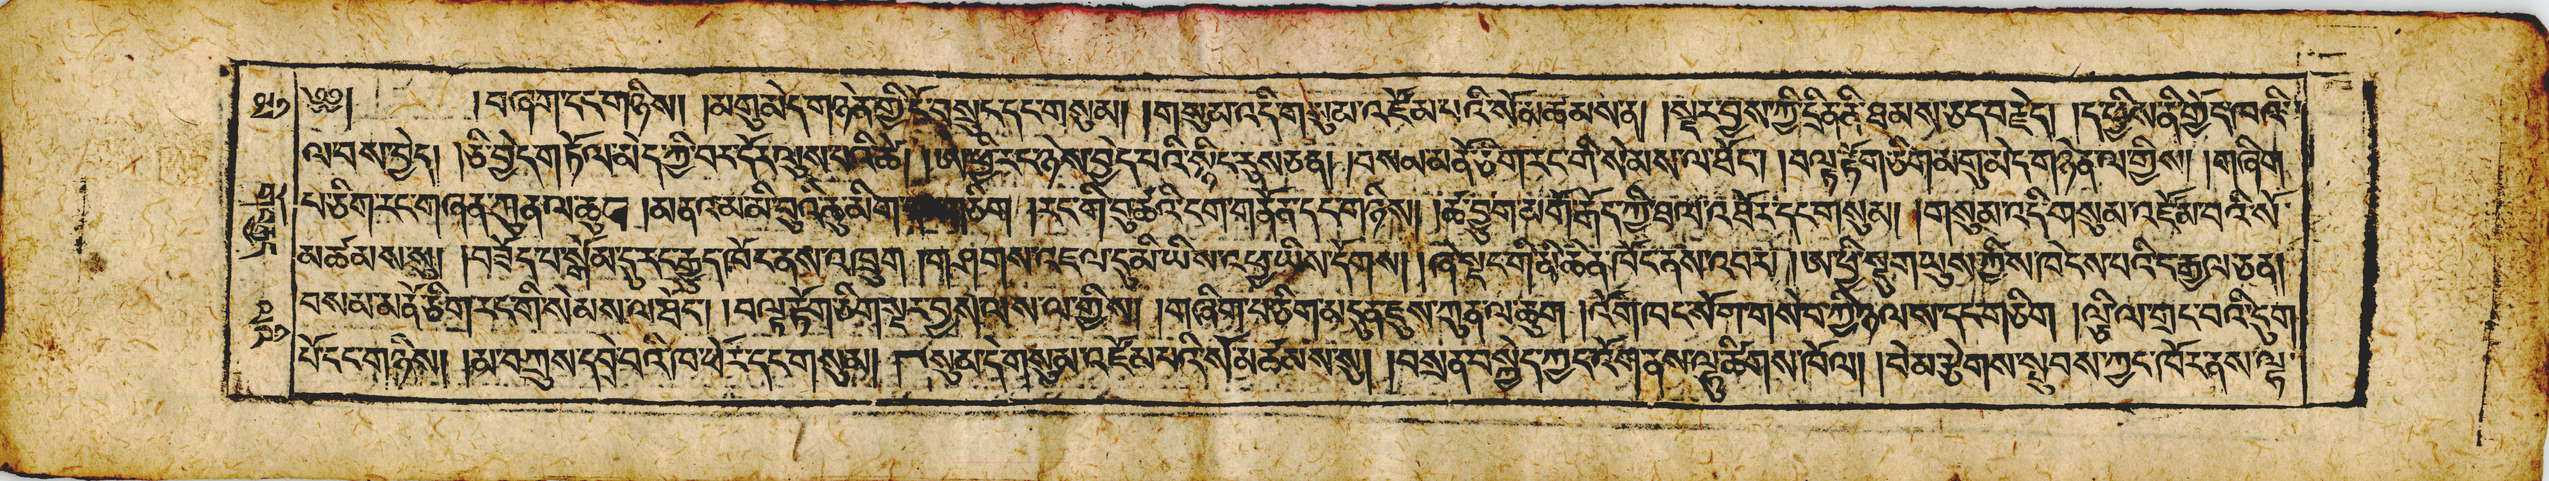བཞག་དངགཉིས། །མགུ་མེད་གཉན་གྱི་ངོ་བསྲུང་དང་གསུམ། །གསུམ་འདི་གསུམ་འཛོམ་པའི་ས་མཚམས་ན། །སྔར་བྱས་ཀྱི་དྲིན་ནི་ཐམས་ཅད་བརྗེད། །ད་ཕྱིས་ནི་གྱོད་ཁའི་
ལབས་བྱེད། །ཅི་བྱེད་གཏོལ་མེད་ཀྱི་བར་དོར་ལུས་པའི་ཚེ། །ཨ་ཕྱི་རང་ཉེས་བྱེད་པའི་སྲིད་རུས་ཅན། །བསམ་མནོ་ཅིག་རང་གི་སེམས་ལ་ཐོང་། །བལྟ་རྟོག་ཅིག་མགུ་མེད་གཉེན་ལ་གྱིས། །གཞིག་
པ་ཅིག་རང་གཞན་ཀུན་ལ་ཆུག། མནའ་མ་མ་བུའི་ཆུ་མིག་དང་གཅིག །རང་གི་བུ་ཚའི་ངག་གནོན་དང་གཉིས། །ཚ་བྱུག་མགོ་རྒོད་ཀྱི་ཐལ་འཐོར་དང་གསུམ། །གསུམ་འདི་གསུམ་འཛོམས་པའི་སོ་
མཚམས་སུ། །བཟོད་པ་སྒོམ་དུ་རང་རྒྱུད་ཁོང་ནས་འཁྲུག །གཤགས་འཇལ་དུ་མི་ཡིས་འཕྱ་ཡིས་དོགས། །ཞེ་སྡང་གི་མི་ཆེན་ཁོང་ནས་འབར། །ཨ་ཕྱི་སྡུག་ཡུས་ཀྱིས་ཁེངས་པའི་ང་རྒྱལ་ཅན། །
བསམ་མནོ་ཅིག་རང་གི་སེམས་ལ་ཐོང་། །བལྟ་ཚིག་ཅིག་སྔར་བྱས་ལས་ལ་གྱིས། །གཞིག་པ་ཅིག་མདུན་ཇུས་ཀུན་ལ་ཆུག །འོག་ཁང་སོག་གསེབ་ཀྱི་ཉལ་ས་དང་གཅིག །ལྕི་ལ་གྲང་བའི་དུག་
པོ་དང་གཉིས། །མ་བཀྲུས་དབྲེ་བའི་ཁ་ཕོར་དང་གསུམ། གསུམ་དེགསུམ་འཛོམས་པའི་ས་མཚམས་སུ། །བསྲན་བསྐྱེད་ཀྱང་འོག་ནས་ལྷ་ཚིགས་ཁོལ། །བེམ་རྩེགས་སྦུབས་ཀྱང་ཁོར་ནས་ལྷ་